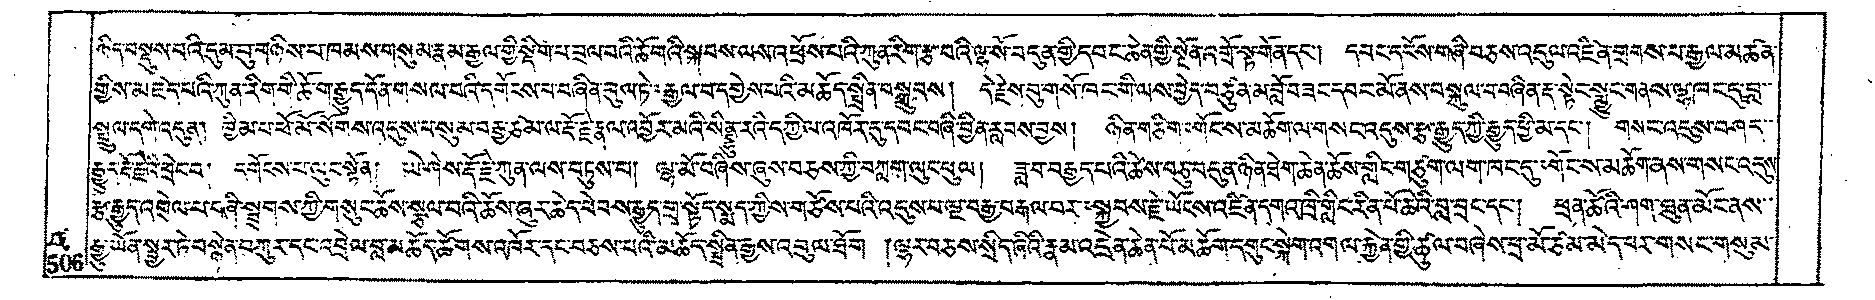ཉིད་བསྡུས་པའི་དུམ་བུ་གཉིས་པ་ཁམས་གསུམ་རྣམ་རྒྱལ་གྱི་སྡིག་པ་བྲལ་བའི་ཆོ་གའི་སྐབས་ལས་འཕྲོས་པའི་ཀུན་རིག་རྩ་བའི་ལྷ་སོ་བདུན་གྱི་དབང་ཆེན་གྱི་སྔོན་འགྲོ་སྟ་གོན་དང་། དབང་དངོས་གཞི་བཅས་འདུལ་འཛིན་གྲགས་པ་རྒྱལ་མཚན་
གྱིས་མཛད་པའི་ཀུན་རིག་གི་ཆོ་ག་རྒྱུད་དོན་གསལ་བའི་དགོངས་པ་བཞིན་ཕུལ་ཏེ་༧རྒྱལ་བ་དགྱེས་པའི་མཆོད་སྤྲིན་བསྒྲུབས། དེ་རྗེས་བུ་གསོ་ཁང་གི་ལས་བྱེད་བཙུན་མ་བློ་བཟང་དབང་མོ་ནས་བསྐུལ་བ་བཞིན་རྡ་སྟེང་སྨྱུང་གནས་ལྷ་ཁང་དུ་བླ་
སྤྲུལ་དགེ་འདུན། ཁྱིམ་པ་ཕོ་མོ་སོགས་འདུས་པ་སུམ་བརྒྱ་ཙམ་ལ་རྡོ་རྗེ་རྣལ་འབྱོར་མའི་སིནྡྷུ་རའི་དཀྱིལ་འཁོར་དུ་དབང་བཞི་བྱིན་རླབས་བྱས། ཉིན་གཅིག་༧གོང་ས་མཆོག་ལ་གསང་འདུས་རྩ་རྒྱུད་ཀྱི་རྒྱུད་ཕྱི་མ་དང་། གསང་འདུས་བཤད་
རྒྱུད་རྡོ་རྗེའི་ཕྲེང་བ། དགོངས་པ་ལུང་སྟོན། ཡེ་ཤེས་རྡོ་རྗེ་ཀུན་ལས་བཏུས་པ། ལྷ་མོ་བཞིས་ཞུས་བཅས་ཀྱི་བཀླག་ལུང་ཕུལ། ཟླ་བ་བརྒྱད་པའི་ཚེས་བཅུ་བདུན་ཉིན་ཐེག་ཆེན་ཆོས་གླིང་གཙུག་ལག་ཁང་དུ་༧གོང་ས་མཆོག་ནས་གསང་འདུས་
རྩ་རྒྱུད་འགྲེལ་པ་བཞི་སྦྲགས་ཀྱི་གསུང་ཆོས་སྩལ་བའི་ཆོས་ཞུར་ཆེད་ཕེབས་རྒྱུད་གྲྭ་སྟོད་སྨད་ཀྱིས་གཙོས་པའི་འདུས་པ་ལྔ་བརྒྱ་བརྒལ་བར་༧སྐྱབས་རྗེ་ཡོངས་འཛིན་དགའ་ཁྲི་གླིང་རིན་པོ་ཆེའི་བླ་བྲང་དང་། ཕྲན་ཚོའི་ཤག་ཐུན་མོང་ནས་
རྒྱུ་ཡོན་སྦྱར་ཏེ་བསྙེན་བཀུར་དང་འབྲེལ་བླ་མཆོད་ཚོགས་འཁོར་དང་བཅས་པའི་མཆོད་སྤྲིན་རྒྱས་འབུལ་ཐོག །ལྷར་བཅས་སྲིད་ཞིའི་རྣམ་འདྲེན་ཆེན་པོ་མཆོག་དགུང་སྐེག་འགལ་རྐྱེན་གྱི་ཚུལ་བཞེས་ཕྲ་མོ་ཙམ་མེད་པར་གསང་གསུམ་